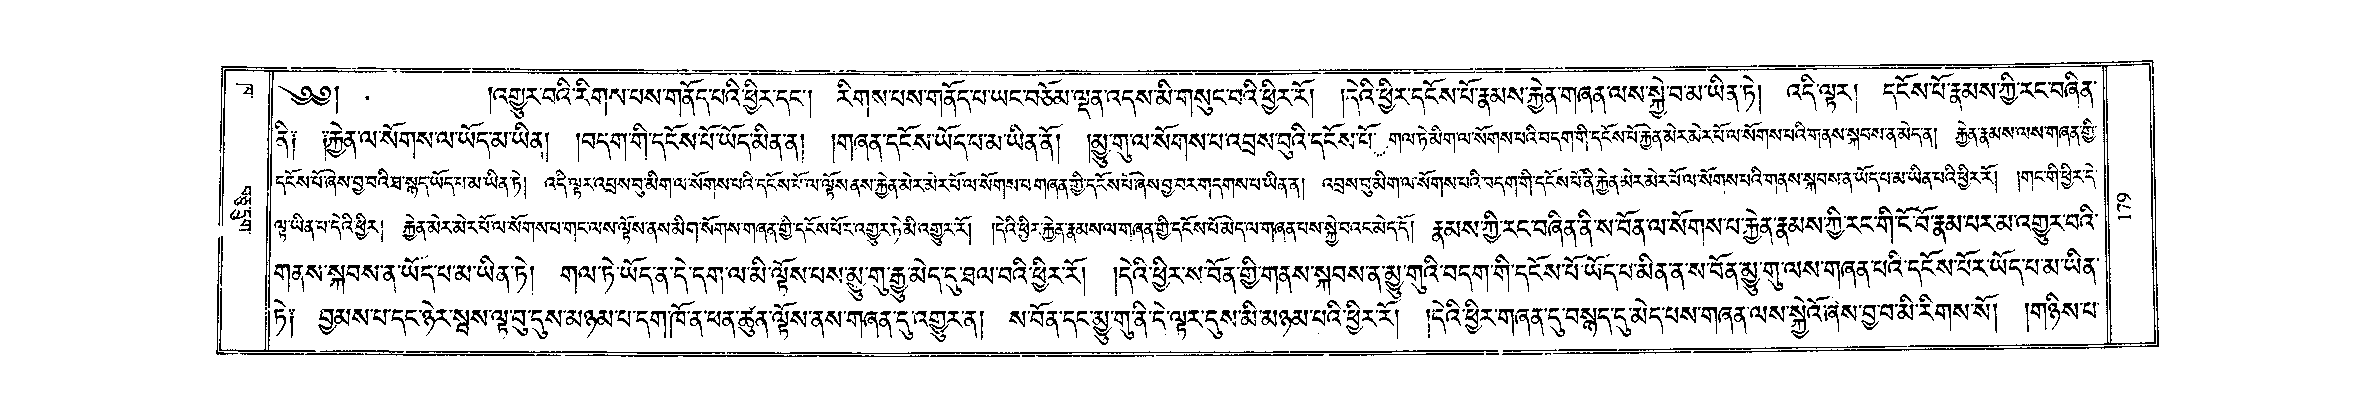༄༅། །འགྱུར་བའི་རིགས་པས་གནོད་པའི་ཕྱིར་དང་། རིགས་པས་གནོད་པ་ཡང་བཅོམ་ལྡན་འདས་མི་གསུང་བའི་ཕྱིར་རོ། །དེའི་ཕྱིར་དངོས་པོ་རྣམས་རྐྱེན་གཞན་ལས་སྐྱེ་བ་མ་ཡིན་ཏེ། འདི་ལྟར། དངོས་པོ་རྣམས་ཀྱི་རང་བཞིན་
ནི༑ ༑རྐྱེན་ལ་སོགས་ལ་ཡོད་མ་ཡིན། །བདག་གི་དངོས་པོ་ཡོད་མིན་ན། །གཞན་དངོས་ཡོད་པ་མ་ཡིན་ནོ། །མྱུ་གུ་ལ་སོགས་པ་འབྲས་བུའི་དངོས་པོ་གལ་ཏེ་མིག་ལ་སོགས་པའི་བདག་གི་དངོས་པོ་རྐྱེན་མེར་མེར་པོ་ལ་སོགས་པའི་གནས་སྐབས་ན་མེད་ན། རྐྱེན་རྣམས་ལས་གཞན་གྱི་
དངོས་པོ་ཞེས་བྱ་བའི་ཐ་སྙད་ཡོད་པ་མ་ཡིན་ཏེ། འདི་ལྟར་འབྲས་བུ་མིག་ལ་སོགས་པའི་དངོས་པོ་ལ་ལྟོས་ནས་རྐྱེན་མེར་མེར་པོ་ལ་སོགས་པ་གཞན་གྱི་དངོས་པོ་ཞེས་བྱ་བར་གདགས་པ་ཡིན་ན། འབྲས་བུ་མིག་ལ་སོགས་པའི་བདག་གི་དངོས་པོ་ནི་རྐྱེན་མེར་མེར་པོ་ལ་སོགས་པའི་གནས་སྐབས་ན་ཡོད་པ་མ་ཡིན་པའི་ཕྱིར་རོ། །གང་གི་ཕྱིར་དེ་
ལྟ་ཡིན་པ་དེའི་ཕྱིར། རྐྱེན་མེར་མེར་པོ་ལ་སོགས་པ་གང་ལས་ལྟོས་ནས་མིག་སོགས་གཞན་གྱི་དངོས་པོར་འགྱུར་ཏེ་མི་འགྱུར་རོ། །དེའི་ཕྱིར་རྐྱེན་རྣམས་ལ་གཞན་གྱི་དངོས་པོ་མེད་ལ་གཞན་པས་སྐྱེ་བའང་མེད་དོ། རྣམས་ཀྱི་རང་བཞིན་ནི་ས་བོན་ལ་སོགས་པ་རྐྱེན་རྣམས་ཀྱི་རང་གི་ངོ་བོ་རྣམ་པར་མ་འགྱུར་བའི་
གནས་སྐབས་ན་ཡོད་པ་མ་ཡིན་ཏེ། གལ་ཏེ་ཡོད་ན་དེ་དག་ལ་མི་ལྟོས་པས་མྱུ་གུ་རྒྱུ་མེད་དུ་ཐལ་བའི་ཕྱིར་རོ། །དེའི་ཕྱིར་ས་བོན་གྱི་གནས་སྐབས་ན་མྱུ་གུའི་བདག་གི་དངོས་པོ་ཡོད་པ་མིན་ན་ས་བོན་མྱུ་གུ་ལས་གཞན་པའི་དངོས་པོར་ཡོད་པ་མ་ཡིན་
ཏེ༑ བྱམས་པ་དང་ཉེར་སྦས་ལྟ་བུ་དུས་མཉམ་པ་དག་ཁོ་ན་ཕན་ཚུན་ལྟོས་ནས་གཞན་དུ་འགྱུར་ན། ས་བོན་དང་མྱུ་གུ་ནི་དེ་ལྟར་དུས་མི་མཉམ་པའི་ཕྱིར་རོ། །དེའི་ཕྱིར་གཞན་དུ་བསྙད་དུ་མེད་པས་གཞན་ལས་སྐྱེའོ་ཞེས་བྱ་བ་མི་རིགས་སོ། །གཉིས་པ་